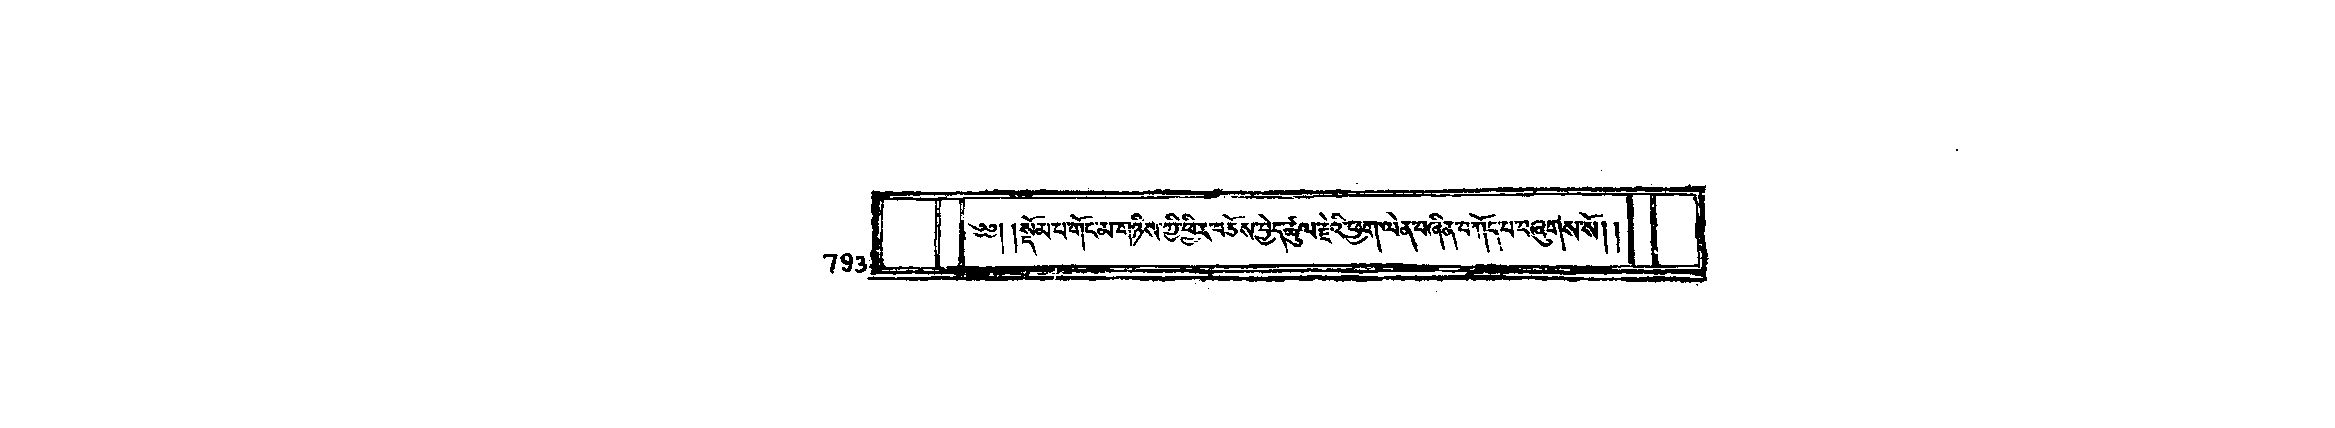༄༅། །སྡོམ་པ་གོང་མ་གཉིས་ཀྱི་ཕྱིར་བཅོས་བྱེད་ཚུལ་རྗེའི་ཕྱག་ལེན་བཞིན་བཀོད་པ་བཞུགས་སོ། །